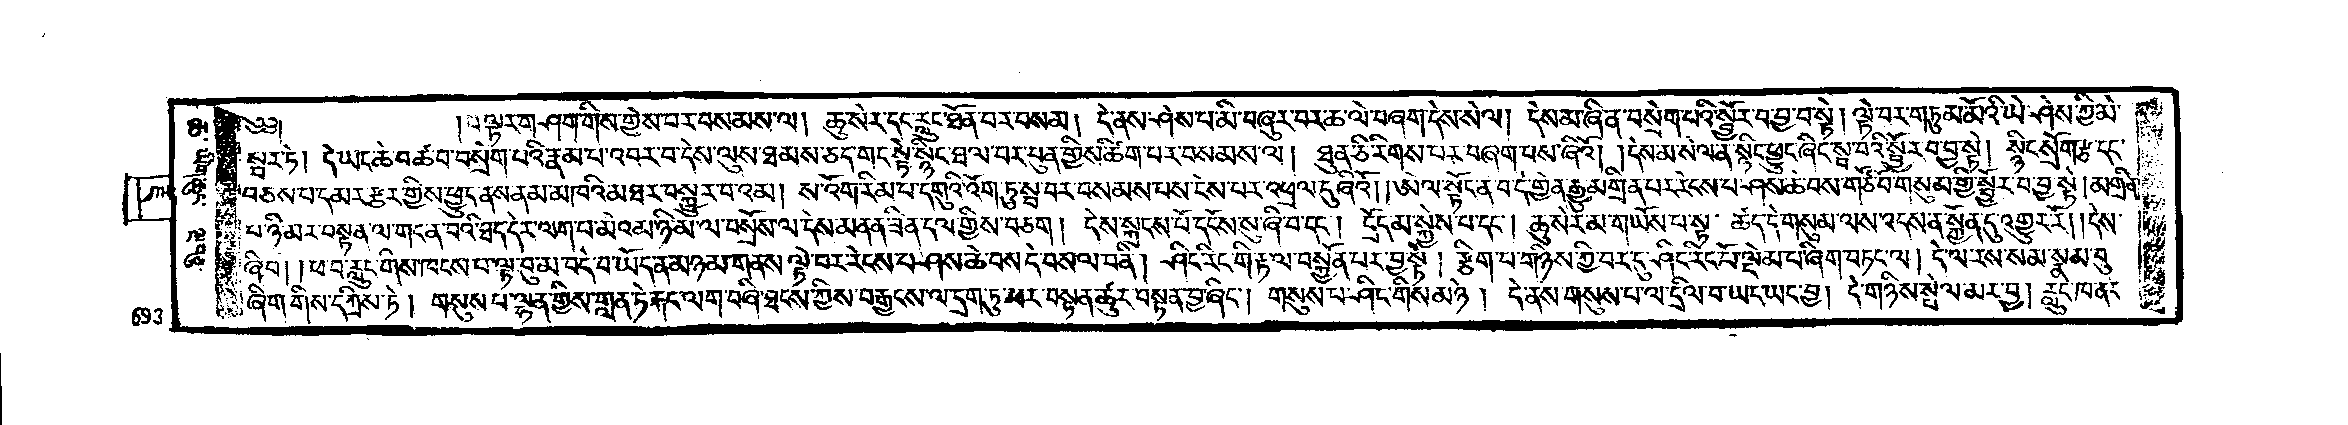༄༅། །བ་ལྟར་གཤག་གིས་གྱེས་པར་བསམས་ལ། ཆུ་སེར་དང་རླུང་ཐོན་པར་བསམ། དེ་ནས་ཤེས་པ་མི་བཞུར་བར་ཆ་ལེ་བཞག་དེས་སེལ། དེས་མ་ཞི་ན་བསྲེག་པའི་སྦྱོར་བ་བྱ་བ་སྟེ། ལྟེ་བར་གཏུམ་མོའི་ཡེ་ཤེས་ཀྱི་མེ་
སྦར་ཏེ། དེ་ཡང་ཆེ་བ་ཚ་བ་བསྲེག་པའི་རྣམ་པ་འབར་བ་དེས་ལུས་ཐམས་ཅད་གང་སྟེ་སྙིང་ཐལ་བར་བུན་གྱིས་ཚིག་པར་བསམས་ལ། ཐུན་ཅི་རིགས་པར་བཞག་པས་ཞིའོ། །དེས་མ་སེལ་ན་སྙིང་ཕྱུང་ཞིང་སྦ་བའི་སྦྱོར་བ་བྱ་སྟེ། སྙིང་སྲོག་རྩ་དང་
བཅས་པ་དམར་རྩར་གྱིས་ཕྱུང་ནས་ནམ་མཁའི་མཐར་བསྐྱུར་བ་འམ། ས་འོག་རིམ་པ་དགུའི་འོག་ཏུ་སྦ་བར་བསམས་པས་ངེས་པར་འཕྲལ་དུ་ཞིའོ། །ཨེལ་སྟོང་ན་བ་དེ་གྱེན་རྒྱུ་མགྲིན་པར་རེངས་པ་ཤས་ཆེ་བས་གཙོ་བོ་གསུམ་གྱི་སྦྱོར་བ་བྱ་སྟེ། མགྲིན་
པ་ཉི་མར་བསྟན་ལ་གང་ན་བའི་ཐད་དེར་ལག་པ་མེའམ་ཉི་མ་ལ་བསྲོས་ལ་དེས་མནན་ཟིན་དལ་གྱིས་བཅག །དེས་སྐྲངས་པོ་དངོས་སུ་ཞི་བ་དང་། དྲོད་མ་སྐྱས་པ་དང་། ཆུ་སེར་མ་གཡོས་པ་སྟེ་ཚད་དེ་གསུམ་ལས་འདས་ན་སྐྱོན་དུ་འགྱུར་རོ། །དེས་
ཞིའོ། །ཕ་བ་རླུང་གིས་ཁངས་པ་ལྟ་བུ་མ་བདེ་བ་ཡོད་ན་མཉམ་གནས་ལྟེ་བར་རེངས་པ་ཤས་ཆེ་བས་དེ་བསལ་བ་ནི། ཤིང་རིང་གི་རྟ་ལ་བསྐྱོན་པར་བྱ་སྟེ། རྩིག་པ་གཉིས་ཀྱི་བར་དུ་ཤིང་རིང་པོ་ལྡེམ་པ་ཞིག་བཏང་ལ། དེ་ལ་རས་སམ་སྣམ་བུ་
ཞིག་གིས་དཀྲིས་ཏེ། གསུས་པ་ལྷན་གྱིས་གླན་ཏེ་རྐང་ལག་བཞི་ཐངས་ཀྱིས་བརྒྱངས་ལ་དྲག་ཏུ་ཕར་བསྟན་ཚུར་བསྟན་བྱ་ཞིང་། གསུས་པ་ཤིང་གིས་མཉེ། དེ་ནས་གསུས་པ་ལ་དྲིལ་བ་ཡང་ཡང་བྱ། དེ་གཉིས་སྤེལ་མར་བྱ། རླུང་ཁ་ནང་